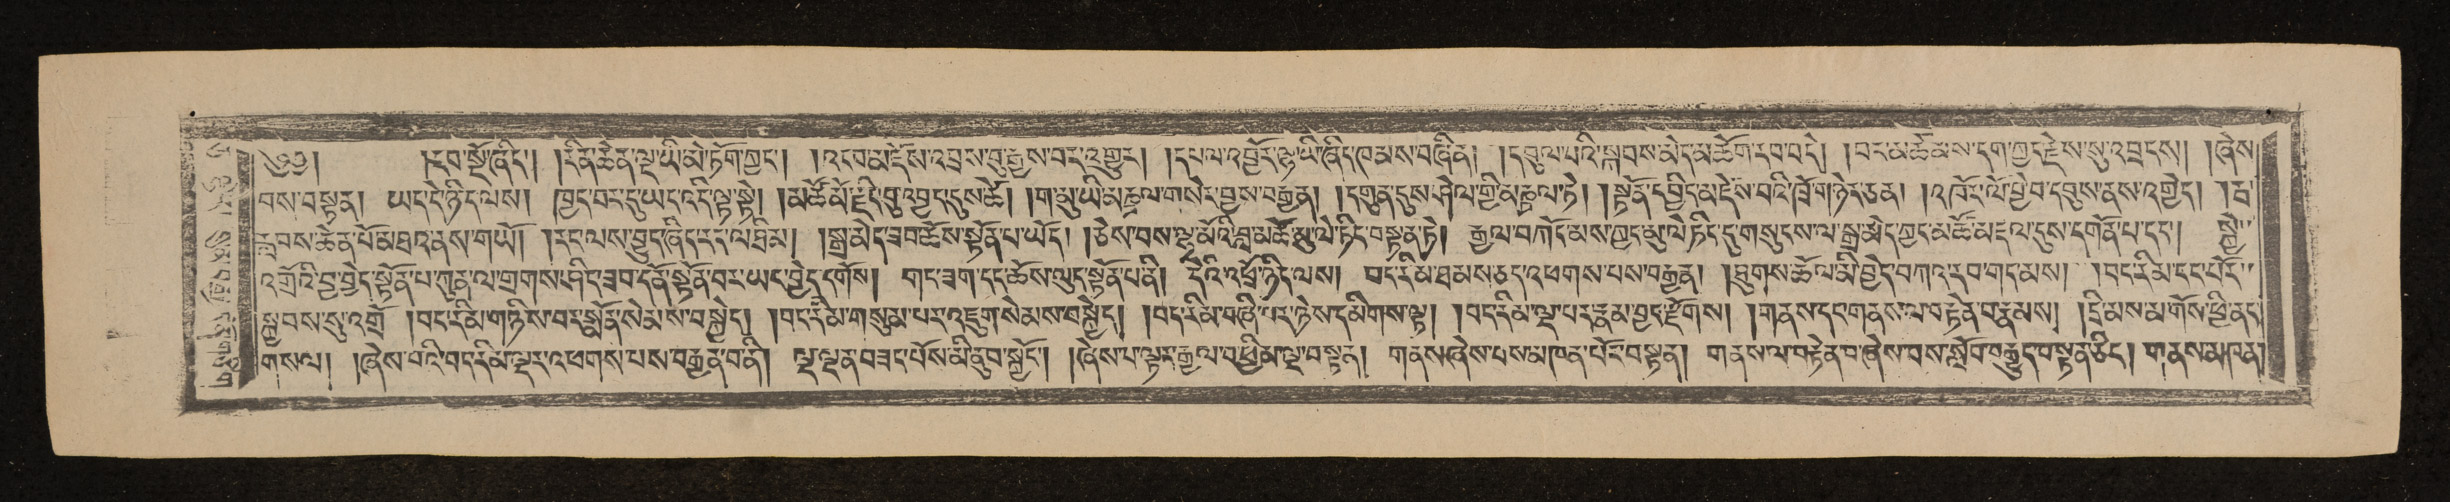༄༅། །རབ་སྔོ་ཞིང་། །རིན་ཆེན་ལྔ་ཡི་མེ་ཏོག་ཀྱང་། །འདབ་མཛེས་འབྲས་བུ་རྒྱས་པར་འགྱུར། །དཔལ་འབྱོར་ལྷ་ཡི་ཞིང་ཁམས་བཞིན། །དབུལ་བའི་སྐབས་མེད་མཆོག་རབ་བདེ། །བར་མཚམས་དག་ཀྱང་རྗེས་སུ་འབྲངས། །ཞེས་
པས་བསྟན། ཡང་དེ་ཉིད་ལས། ཁྱད་པར་དུ་ཡང་འདི་ལྟ་སྟེ། །མཚོ་མོ་རྫིང་བུ་དབྱར་དུས་ཚེ། །གཡུ་ཡི་མཎྜལ་གསེར་བྱས་བརྒྱན། །དགུན་དུས་ཤེལ་གྱི་མཎྜལ་ཏེ། །སྟོན་དཔྱིད་མཛེས་པའི་ཁྲོ་གཉེར་ཅན། །འཁོར་ལོ་བྱེ་བ་དབུས་ནས་འབྱེད། །རྦ་
རླབས་ཆེན་པོ་མཐའ་ནས་གཡོ། །རང་ལས་བྱུང་ཞིང་རང་ལ་ཐིམ། །སྒྲ་མེད་ཟབ་ཆོས་སྟོན་པ་ཡོད། །ཅེས་པས་ལྷ་མོའི་བླ་མཚོ་མུ་ལེ་ཏིང་བསྟན་ཏེ། རྒྱལ་བ་གོང་མས་ཀྱང་མུ་ལེ་ཏིང་དུ་གསུངས་ལ་སྒྲ་མེད་ཀྱང་མཚོ་མཇལ་དུས་དགོན་པ་དང་། སྐྱེ་
འགྲོའི་བྱ་བྱེད་སྟོན་པ་ཀུན་ལ་གྲགས་ཤིང་ཟབ་དོན་སྟོན་པར་ཡང་བྱེད་དགོས། གང་ཟག་དང་ཆོས་ལུང་སྟོན་པ་ནི། དེའི་འཕྲོ་ཉིད་ལས། བང་རིམ་ཐམས་ཅད་འཕགས་པས་བརྒྱན། །ཐུགས་ཆོལ་མི་བྱེད་བཀའ་རབ་གདམས། །བང་རིམ་དང་པོར་
སྐྱབས་སུ་འགྲོ་།བང་རིམ་གཉིས་པར་སྨོན་སེམས་བསྐྱེད། །བང་རིམ་གསུམ་པར་འཇུག་སེམས་བསྐྱེད། །བང་རིམ་བཞི་པར་ཉེས་དམིགས་ལྟ། །བང་རིམ་ལྔ་པར་རྣམ་བྱང་རྫོགས། །གནས་དང་གནས་ལ་བརྟེན་པ་རྣམས། །དྲི་མས་མ་གོས་ཕྱི་ནང་
གསལ། །ཞེས་པའི་བང་རིམ་ལྔར་འཕགས་པས་བརྒྱན་པ་ནི། ལྔ་ལྡན་བཟང་པོས་མི་ནུབ་སྐྱོང་། །ཞེས་པ་ལྟར་རྒྱལ་བ་ཕྱིས་ལྔ་བསྟན། གནས་ཞེས་པས་མཁན་པོར་བསྟན། གནས་ལ་བརྟེན་པ་ཞེས་པས་སློབ་བརྒྱུད་བསྟན་ཅིང་། གནས་མཁན་